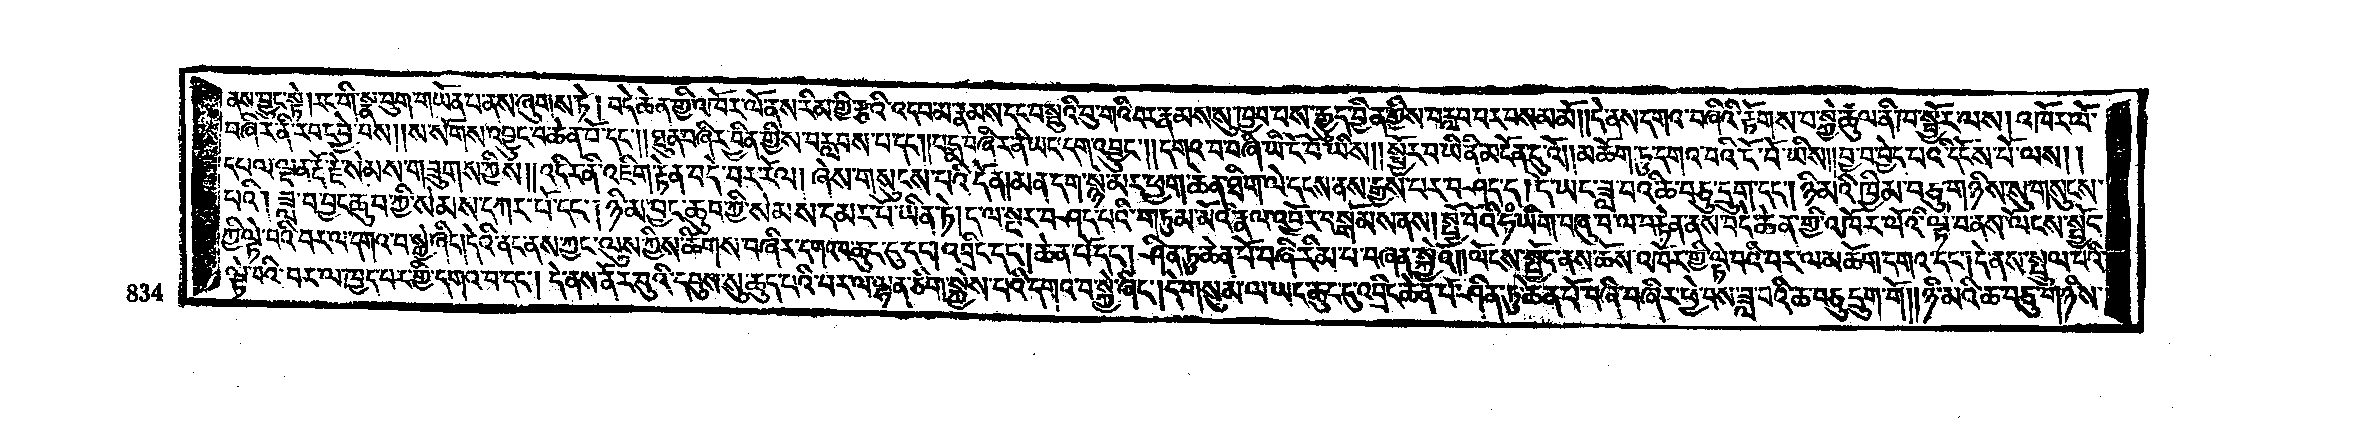ནས་བྱུང་སྟེ། རང་གི་སྣ་བུག་གཡོན་པ་ནས་ཞུགས་ཏེ། བདེ་ཆེན་གྱི་འཁོར་ལོ་ནས་རིམ་གྱི་རྩའི་འདབ་མ་རྣམས་དང་བ་སྤུའི་བུ་གའི་བར་རྣམས་སུ་ཁྱབ་པས་རྒྱུད་བྱིན་གྱིས་བརླབ་པར་བསམ་མོ། །དེ་ནས་དགའ་བཞིའི་རྟོགས་པ་སྐྱེ་ཚུལ་ནི་ཁ་སྦྱོར་ལས། འཁོར་ལོ་
བཞིར་ནི་རབ་དབྱེ་པས། །ས་སོགས་འབྱུང་བ་ཆེན་པོ་དང་། །ཐུན་བཞིར་བྱིན་གྱིས་བརླབས་པ་དང་། །པདམ་བཞིར་ནི་ཡང་དག་འབྱུང་། །དགའ་བ་བཞི་ཡི་ངོ་བོ་ཡིས། །སྤྱིར་བ་ཡི་ནི་མངོན་དུ་འོ། །མཆོག་ཏུ་དགའ་བའི་ངོ་བོ་ཡིས། །བྱ་བ་བྱེད་པའི་དངོས་པོ་ལས། །
དཔལ་ལྡན་རྡོ་རྗེ་སེམས་གཟུགས་ཀྱིས། །འདིར་ནི་འཇིག་རྟེན་བདེ་བར་རོལ། །ཞེས་གསུངས་པའི་དོན། མན་ངག་སྙེ་མར་ཕྱག་ཆེན་ཐིག་ལེ་དངས་ནས་རྒྱས་པར་བཤད་དོ། །དེ་ཡང་ཟླ་བའི་ཆི་བཅུ་དྲུག་དང་། ཉི་མའི་ཁྱིམ་བཅུ་གཉིས་སུ་གསུངས་
པའི་ཟླ་བ་བྱང་ཆུབ་ཀྱི་སེམས་དཀར་པོ་དང་། ཉི་མ་བྱང་ཆུབ་ཀྱིས་སེམས་དམར་པོ་ཡིན་ཏེ། ང་ལ་སྔར་བཤད་པའི་གཏུམ་མོའི་རྣལ་འབྱོར་བསྒོམས་ནས། སྤྱི་བོའི་ཧཾ་ཡིག་བཞུ་པ་ལ་བརྟེན་ནས་བདེ་ཆེན་གྱི་འཁོར་ལོའི་ལྟ་བ་ནས་ལོངས་སྤྱོད་
ཀྱི་ལྟེ་བའི་བར་ལ་དགའ་བ་སྐྱེ་ཞིང་། དེའི་ནང་ནས་ཀྱང་ལུས་ཀྱིས་ཚིགས་བཞིར་དགའ་བ་ཆུང་ངུ་དང་། འབྲིང་དང་། ཆེན་པོ་དང་། ཤིན་ཏུ་ཆེན་པོ་བཞི་རིམ་པ་བཞིན་སྐྱེའོ། །ལོངས་སྤྱོད་ནས་ཆོས་འཁོར་གྱི་ལྟེ་བའི་བར་ལ་མཆོག་དགའ་དང་། དེ་ནས་སྤྲུལ་པའི་
ལྟེ་བའི་བར་ལ་ཁྱད་པར་གྱི་དགའ་བ་དང་། དེ་ནས་ནོར་བུའི་དབུས་སུ་ཆུད་པའི་བར་ལ་ལྷན་ཅིག་སྐྱེས་པའི་དགའ་བ་སྐྱེ་ཞིང་། དེ་གསུམ་ལ་ཡང་ཆུང་ངུ་འབྲིང་ཆེན་པོ་ཤིན་ཏུ་ཆེན་པོ་བཞི་བཞིར་ཕྱེ་བས་ཟླ་བའི་ཆ་བཅུ་དྲུག་གོ། །ཉི་མའི་ཆ་བཅུ་གཉིས་